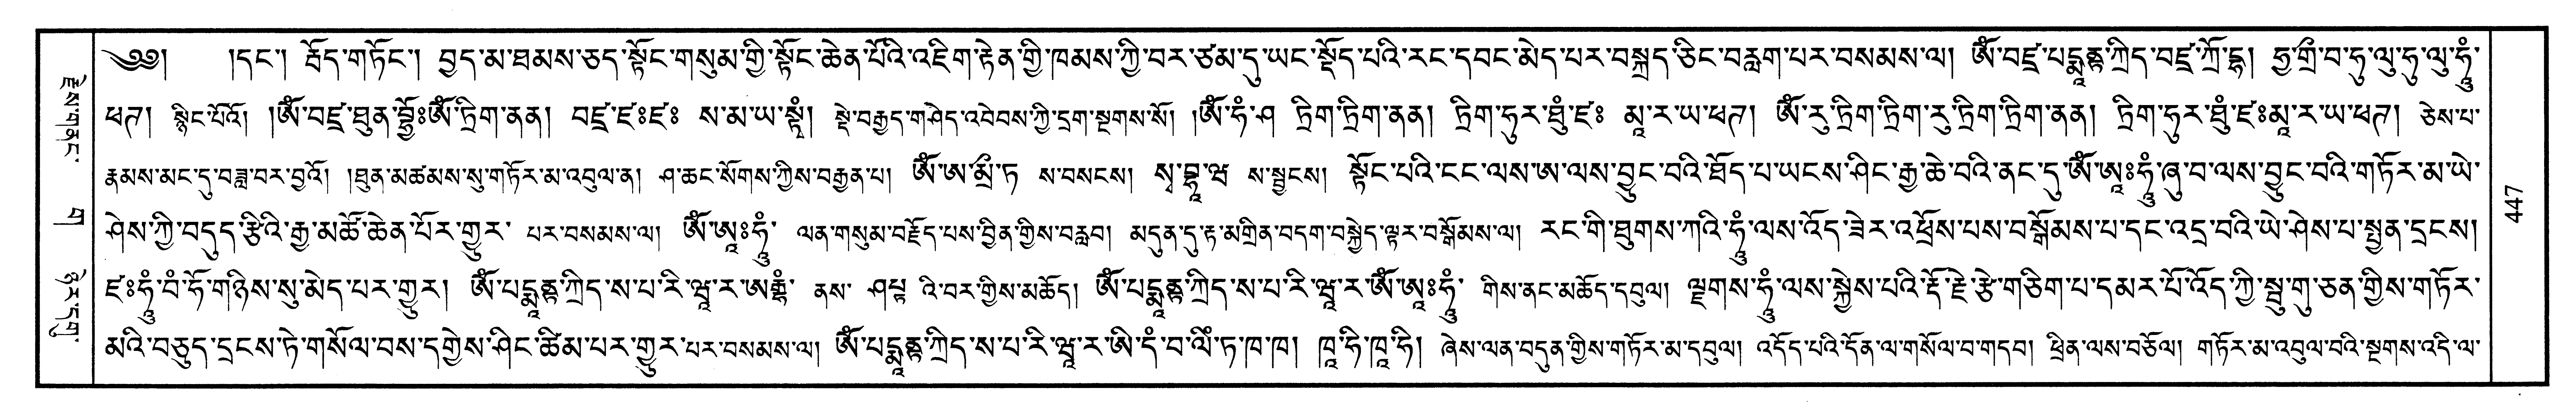༄༅། །དང་། རྦོད་གཏོང་། བྱད་མ་ཐམས་ཅད་སྟོང་གསུམ་གྱི་སྟོང་ཆེན་པོའི་འཇིག་རྟེན་གྱི་ཁམས་ཀྱི་བར་ཙམ་དུ་ཡང་སྡོད་པའི་རང་དབང་མེད་པར་བསྐྲད་ཅིང་བརླག་པར་བསམས་ལ། ཨོཾ་བདྲ་པདམའནྟ་ཀྲིད་བདྲ་ཀྲོ་དྷ། ཧྱ་གྲྀ་བ་ཧུ་ལུ་ཧུ་ལུ་ཧཱུཾ་
ཕཊ། སྙིང་པོའོ། །ཨོཾ་བཛྲ་ཐུན་བྷྱོཿ ཨོཾ་ཏྲིག་ནན། བཛྲ་ཛཿ ཛཿ ས་མ་ཡ་སྟྭཾ། སྡེ་བརྒྱད་གཤེད་འབེབས་ཀྱི་དྲག་སྔགས་སོ། །ཨོཾ་ཧཾ་ཤ་ཏྲིག་ཏྲིག་ནན། ཏྲིག་ཧུར་ཐུཾ་ཛཿ མཱ་ར་ཡ་ཕཊ། ཨོཾ་རུ་ཏྲིག་ཏྲིག་རུ་ཏྲིག་ཏྲིག་ནན། ཏྲིག་ཧུར་ཐུཾ་ཛཿ མཱ་ར་ཡ་ཕཊ། ཅེས་པ་
རྣམས་མང་དུ་བཟླ་བར་བྱའོ། །ཐུན་མཚམས་སུ་གཏོར་མ་འབུལ་ན། ཤ་ཆང་སོགས་ཀྱིས་བརྒྱན་པ། ཨོཾ་ཨ་མྲྀ་ཏ་ས་བསངས། སྭ་བྷཱ་ཝ་ས་སྦྱངས། སྟོང་པའི་ངང་ལས་ཨ་ལས་བྱུང་བའི་ཐོད་པ་ཡངས་ཤིང་རྒྱ་ཆེ་བའི་ནང་དུ་ཨོཾ་ཨཱཿ ཧཱུཾ་ཞུ་བ་ལས་བྱུང་བའི་གཏོར་མ་ཡེ་
ཤེས་ཀྱི་བདུད་རྩིའི་རྒྱ་མཚོ་ཆེན་པོར་གྱུར་པར་བསམས་ལ། ཨོཾ་ཨཱཿ ཧཱུཾ་ལན་གསུམ་བརྗོད་པས་བྱིན་གྱིས་བརླབ། མདུན་དུ་རྟ་མགྲིན་བདག་བསྐྱེད་ལྟར་བསྒོམས་ལ། རང་གི་ཐུགས་ཀའི་ཧཱུཾ་ལས་འོད་ཟེར་འཕྲོས་པས་བསྒོམས་པ་དང་འདྲ་བའི་ཡེ་ཤེས་པ་སྤྱན་དྲངས།
ཛཿ ཧཱུཾ་བཾ་ཧོ་གཉིས་སུ་མེད་པར་གྱུར། ཨོཾ་པདམའནྟ་ཀྲིད་ས་པ་རི་ཝཱ་ར་ཨརྒྷཾ་ནས་ཤཔྟའི་བར་གྱིས་མཆོད། ཨོཾ་པདམའནྟ་ཀྲིད་ས་པ་རི་ཝཱ་ར་ཨོཾ་ཨཱཿ ཧཱུཾ། གིས་ནང་མཆོད་དབུལ། ལྗགས་ཧཱུཾ་ལས་སྐྱེས་པའི་རྡོ་རྗེ་རྩེ་གཅིག་པ་དམར་པོ་འོད་ཀྱི་སྤུ་གུ་ཅན་གྱིས་གཏོར་
མའི་བཅུད་དྲངས་ཏེ་གསོལ་བས་དགྱེས་ཤིང་ཚིམ་པར་གྱུར་པར་བསམས་ལ། ཨོཾ་པདམཱནྟ་ཀྲིད་ས་པ་རི་ཝཱ་ར་ཨི་དཾ་བ་ལིཾ་ཏ་ཁ་ཁ། ཁཱ་ཧི་ཁཱ་ཧི། ཞེས་ལན་བདུན་གྱིས་གཏོར་མ་དབུལ། འདོད་པའི་དོན་ལ་གསོལ་བ་གདབ། ཕྲིན་ལས་བཅོལ། གཏོར་མ་འབུལ་བའི་སྔགས་འདི་ལ་